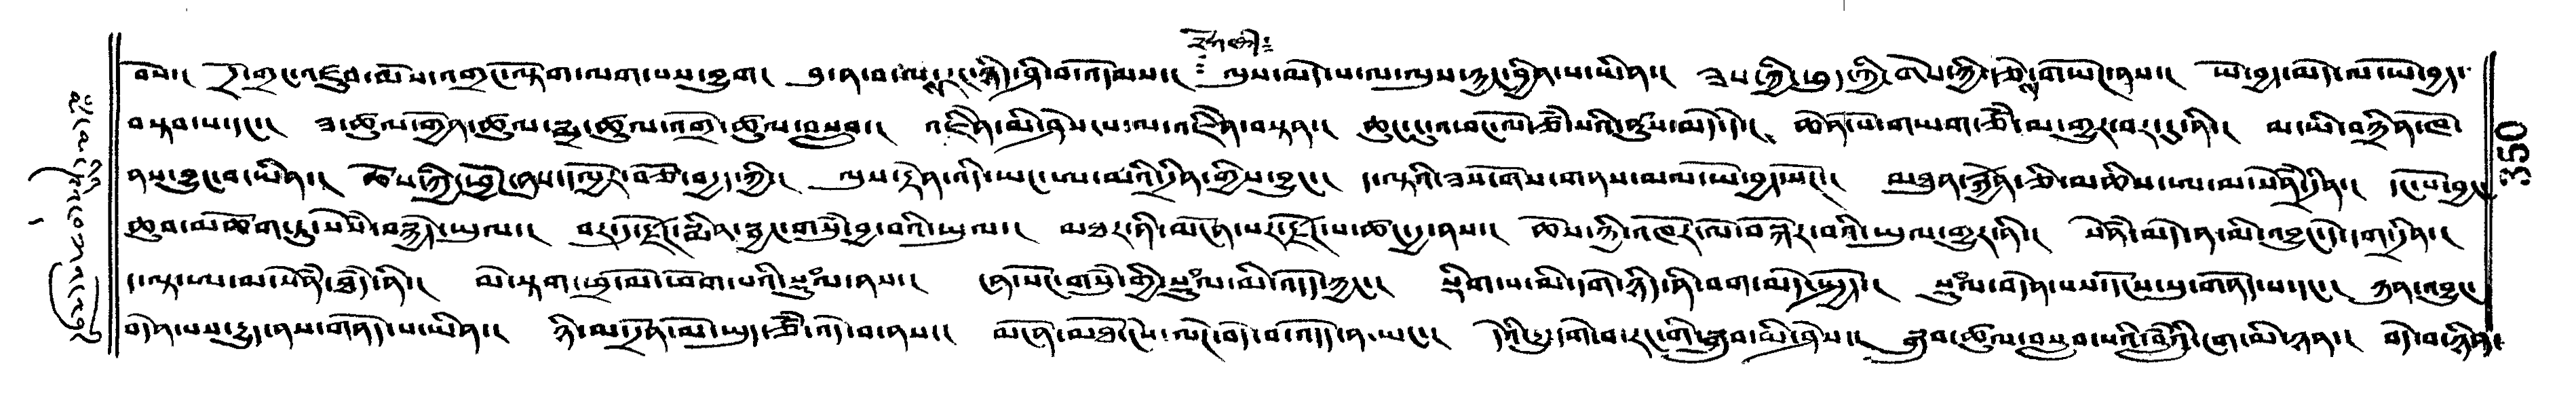བོས། །དྲོ་གྲང་འཛུབ་མོས་འགྲང་ལྟོགས་ལག་པས་བྱུག །བུ་ན་བ་ལས་རང་ཉིད་ཤི་བ་འདམས། སྲོག་ཆེད། མཆན། །ལུས་མེད་པ་ལ་ལུས་ཀྱང་བྱིན་པ་ཡིན། །ཟས་ཀྱི་ཕུད་བྱིན་གོས་ཀྱི་རྩེས་གཡོགས་ནས། །ཡོ་བྱད་མེད་ལ་ཡོ་བྱད་
བསྟབས་པ་དང་། །ཟ་ཚུལ་གྱོན་ཚུལ་སྨྲ་ཚུལ་འགྲོ་ཚུལ་བསླབས། །འཇིག་རྟེན་མི་ཤེས་པ་ལ་འཇིག་རྟེན་བསྟན། །ཆུང་ངུ་འཕང་ལོ་ཙམ་པའི་ནུས་མེད་དེ། །ཆེན་པོ་གཡག་ཙམ་མ་གྱུར་བར་དུ་ནི། །མ་ཡི་བཀའ་དྲིན་ཁོ་
ནས་བྱུང་བ་ཡིན། །ཆོས་ཀྱི་ཕྱོགས་ནས་དལ་འབྱོར་བཅོ་བརྒྱད་ཀྱི། །ལུས་རྟེན་འདི་ཡང་ཨ་མའི་དྲིན་གྱིས་བྱུང་། །ད་ལྟའི་ཟས་གོས་གནས་མལ་ཡོ་བྱད་སོགས། །མཐུན་རྐྱེན་ཅི་མཆིས་ཨ་མ་སེམས་ཅན་དྲིན། །དང་པོ་བྱང་
ཆུབ་མཆོག་ཏུ་སེམས་བསྐྱེད་ཡུལ། །བར་དུ་རྫོགས་སྨིན་སྦྱང་གསུམ་བྱ་བའི་ཡུལ། །མཐར་ནི་མངོན་པར་རྫོགས་པར་ཚང་རྒྱ་ནས། །ཆོས་ཀྱི་འཁོར་ལོ་བསྐོར་བའི་ཡུལ་གྱུར་ནི། །སེམས་ཅན་མེད་ན་མི་འབྱུང་དེ་དག་དྲིན། །
ད་ལྟ་ཨ་མ་སེམས་ཅན་ཐམས་ཅད་ནི་། །མེ་སྟག་ཕྲ་མོ་ཕོག་པའི་སྡུག་བསྔལ་ནས། །ངན་སོང་གསུམ་གྱི་སྡུག་བསྔལ་མི་འདོད་ཀྱང་། །སྡིག་པ་མི་དགེ་ཉིད་ནི་བག་མེད་སྤྱོད། །སྡུག་བསྔལ་བདེན་པས་དངོས་སུ་གནོད་པ་དང་། །ཀུན་འབྱུང་
བདེན་པས་རྒྱུད་ནས་གནོད་པ་ཡིན། །ཉི་མ་དྲོན་མོ་ཡུད་ཙམ་ལྡེ་བ་ནས། །མངོན་མཐོ་ངེས་ལེགས་བདེ་བ་འདོད་ན་ཡང་། །དེའི་རྒྱུ་དགེ་བ་རང་གིས་སྒྲུབ་མི་ཤེས། །སྒྲུབ་ཚུལ་སློབ་པའི་བླ་མའི་ངག་མི་ཉན། །བདེ་བ་ཉིན་